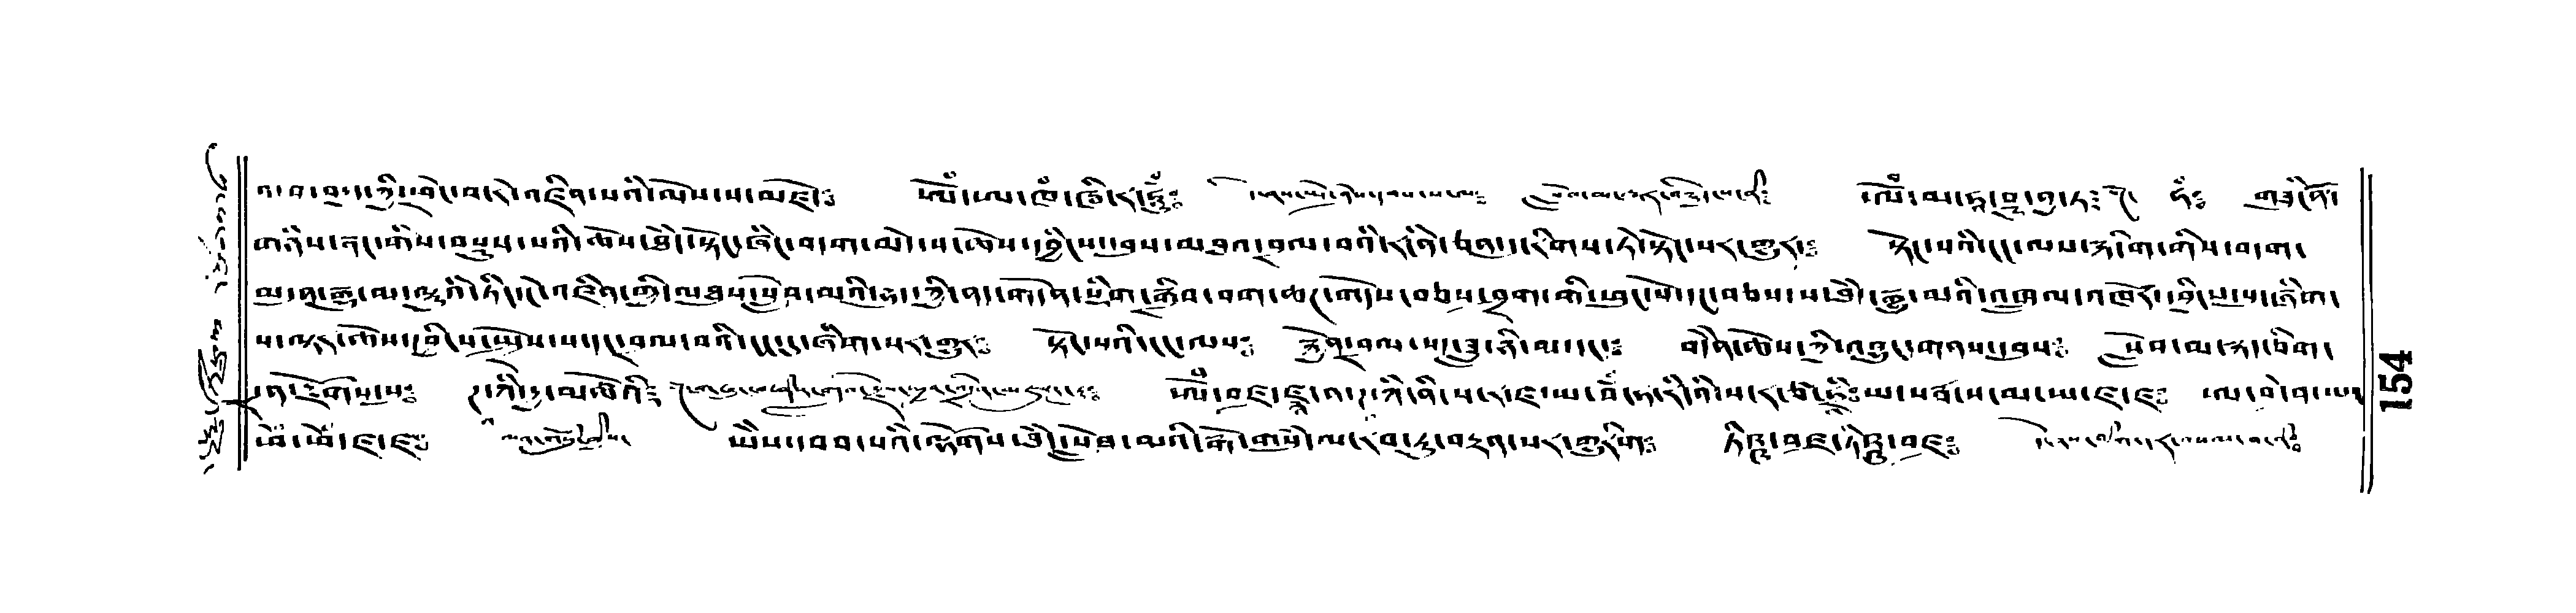འདབ་བརྒྱད་ཀྱི་ཕྲེང་བ་རེ་འཛིན་པའི་མོས་པ་མཛོད༔ ཨོཾ་ཨ་ཁཾ་ཝི་ར་ཧཱུྃ༔ དེ་ནས་ཡེ་ཤེས་དབབ་པ་ལ༔ སློབ་མ་ལྷར་བསྐྱེད་པ་ནི༔ ཨོཾ་མ་ཧཱ་ཤུ་ནྱ་ཏ་སོགསཿ ཧཾཿ གཟུང་འཛིན་
གཉིས་སྣང་གིས་བསྡུས་པའི་ཆོས་ཐམས་ཅད་སྟོང་ཞིང་བདག་མེད་པ་ཆོས་དབྱིངས་དབུས་མཐའ་བྲལ་བའི་རང་བཞིན་ཅན་དུ་རིག་ཏེ་སྟོང་པར་གྱུར༔ སྟོང་པའི་ངང་ལས་སྐད་ཅིག་གིས་བདག་
མདུན་སྒྱུ་མ་ལྟ་བུའི་ཏིང་ངེ་འཛིན་གྱི་མཐུས་སློབ་མའི་རྒྱུད་ཀྱི་ནད་གདོན་སྡིག་སྒྲིབ་བག་ཆགས་གདོས་བཅས་ཤ་ཁྲག་གི་ཕུང་པོ་དང་བཅས་པ་ཐམས་ཅད་སྒྱུ་མའི་འཁྲུལ་འཁོར་དབྱིངས་སུ་ཞིག་
པ་ལྟར་ཆོས་དབྱིངས་སྤྲོས་པ་དང་བྲལ་བའི་ངང་དུ་ཞིག་པར་གྱུར༔སྟོང་པའི་ངང་ལས༔ སྐྱོན་བྲལ་པད་ཟླ་ཉི་མ་དང༔ བདེ་ཆེན་ཆོས་ཀྱི་འབྱུང་གནས་དབུས༔ སློབ་མ་སྐད་ཅིག་
དྲན་རྫོགས་སུ༔ ཌཱ་ཀི་རྒྱ་མཚོའི་སོགས་གཞུང་བཞིན་གྲུབ་རྗེས་སྤྱན་འདྲེན་མཇུག་ཏུ༔ ཨོཾ་བཛྲ་ཛྙཱ་ན་ཌཱ་ཀི་ནི་ས་ར་ཛ་ཡ་བྃ་ཧ་རི་ནི་ས་ར་ཙ་ཧྲཱིཿཡ་སརྦ་ས་མ་ཡ་ཛ་ཛཿ ཨ་བེ་ཤ་ཡ་
ཕེཾ་ཕེཾ་ཛ་ཛཿ ལན་གསུམ༔ ཡེ་ཤེས་དབབ་པའི་ལྷ་ཚོགས་ཐམས་ཅད་སློབ་མའི་སྒོ་གསུམ་ལ་རབ་ཏུ་བརྟན་པར་གྱུར་ཅིག༔ ཏིཥྛ་བཛྲ་ཏིཥྛ་བཛྲ༔ དེ་ནས་མིག་དར་བསལ་བ་ནི༔